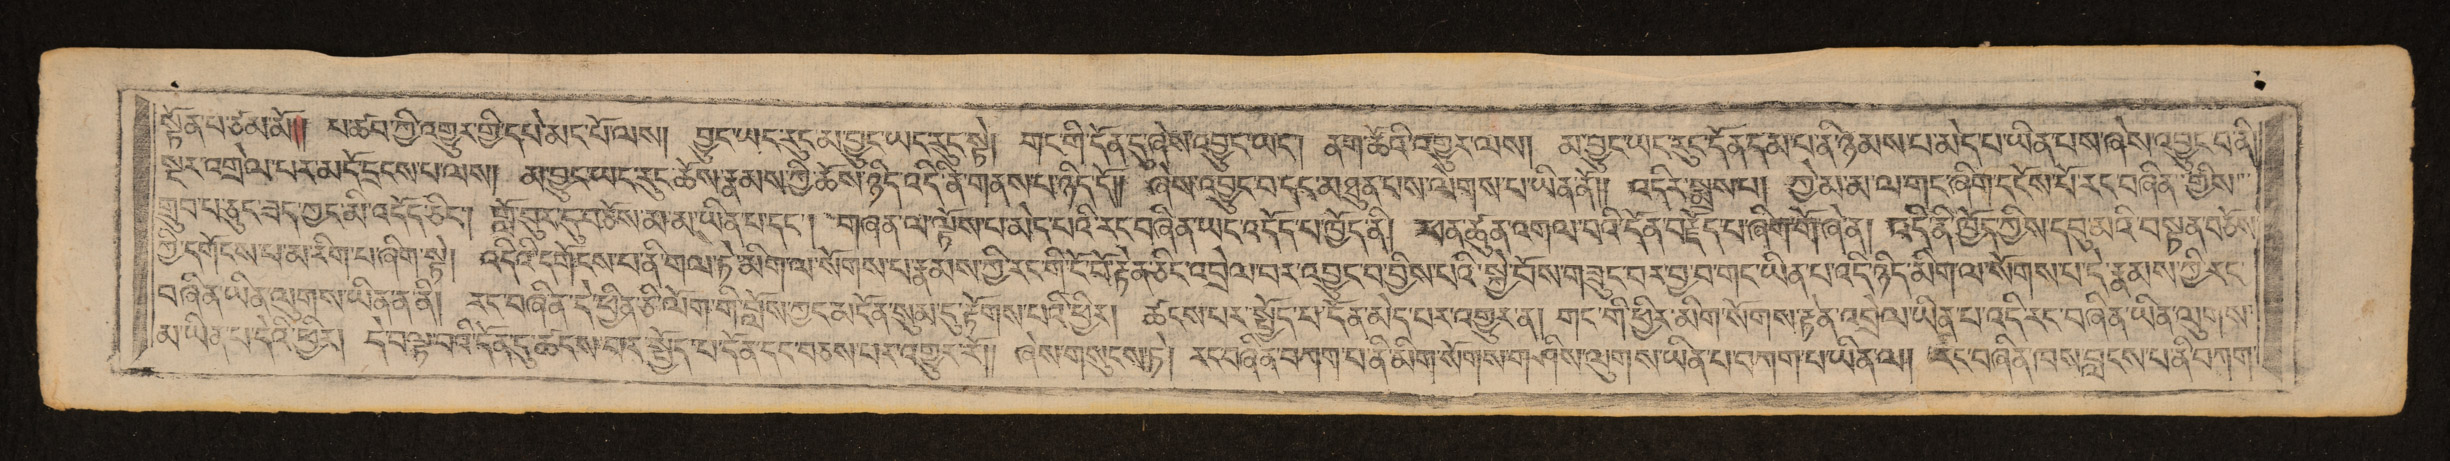སྟོན་པ་ཙམ་མོ།། པ་ཚབ་ཀྱི་འགྱུར་གྱི་དཔེ་མང་པོ་ལས། བྱུང་ཡང་རུང་མ་བྱུང་ཡང་རུང་སྟེ། གང་གི་དོན་དུ་ཞེས་འབྱུང་ཡང་། ནག་ཚོའི་འགྱུར་ལས། མ་བྱུང་ཡང་རུང་དོན་དམ་པ་ནི་ཉམས་པ་མེད་པ་ཡིན་པས་ཞེས་འབྱུང་བ་ནི།
སྔར་འགྲེལ་པར་མདོ་དྲངས་པ་ལས། མ་བྱུང་ཡང་རུང་ཆོས་རྣམས་ཀྱི་ཆོས་ཉིད་འདི་ནི་གནས་པ་ཉིད་དོ།། ཞེས་འབྱུང་བ་དང་མཐུན་པས་ལེགས་པ་ཡིན་ནོ།། འདིར་སྨྲས་པ། ཀྱེ་མ་མ་ལ་གང་ཞིག་དངོས་པོ་རང་བཞིན་གྱིས་
གྲུབ་པ་ཅུང་ཟད་ཀྱང་མི་འདོད་ཅིང་། གློ་བུར་དུ་བཅོས་མ་མ་ཡིན་པ་དང་། གཞན་ལ་ལྟོས་པ་མེད་པའི་རང་བཞིན་ཡང་འདོད་པ་ཁྱོད་ནི། ཕན་ཚུན་འགལ་བའི་དོན་བརྗོད་པ་ཞིག་གོ་ཞེ་ན། འདི་ནི་ཁྱོད་ཀྱིས་དབུ་མའི་བསྟན་བཅོས་
ཀྱི་དགོངས་པ་མ་རིག་པ་ཞིག་སྟེ། འདིའི་དགོངས་པ་ནི་གལ་ཏེ་མིག་ལ་སོགས་པ་རྣམས་ཀྱི་རང་གི་ངོ་བོ་རྟེན་ཅིང་འབྲེལ་བར་འབྱུང་བ་བྱིས་པའི་སྐྱེ་བོས་གཟུང་བར་བྱ་བ་གང་ཡིན་པ་འདི་ཉིད་མིག་ལ་སོགས་པ་དེ་རྣམས་ཀྱི་རང་
བཞིན་ཡིན་ལུགས་ཡིན་ན་ནི། རང་བཞིན་དེ་ཕྱིན་ཅི་ལོག་གི་བློས་ཀྱང་མངོན་སུམ་དུ་རྟོགས་པའི་ཕྱིར། ཚངས་པར་སྤྱོད་པ་དོན་མེད་པར་འགྱུར་ན། གང་གི་ཕྱིར་མིག་སོགས་རྟེན་འབྲེལ་ཡིན་པ་འདི་རང་བཞིན་ཡིན་ལུགས་
མ་ཡིན་པ་དེའི་ཕྱིར། དེ་བལྟ་བའི་དོན་དུ་ཚངས་པར་སྤྱོད་པ་དོན་དང་བཅས་པར་འགྱུར་རོ།། ཞེས་གསུངས་ཏེ། རང་བཞིན་བཀག་པ་ནི་མིག་སོགས་གཤིས་ལུགས་ཡིན་པ་བཀག་པ་ཡིན་ལ། རང་བཞིན་ཁས་བླངས་པ་ནི་བཀག་